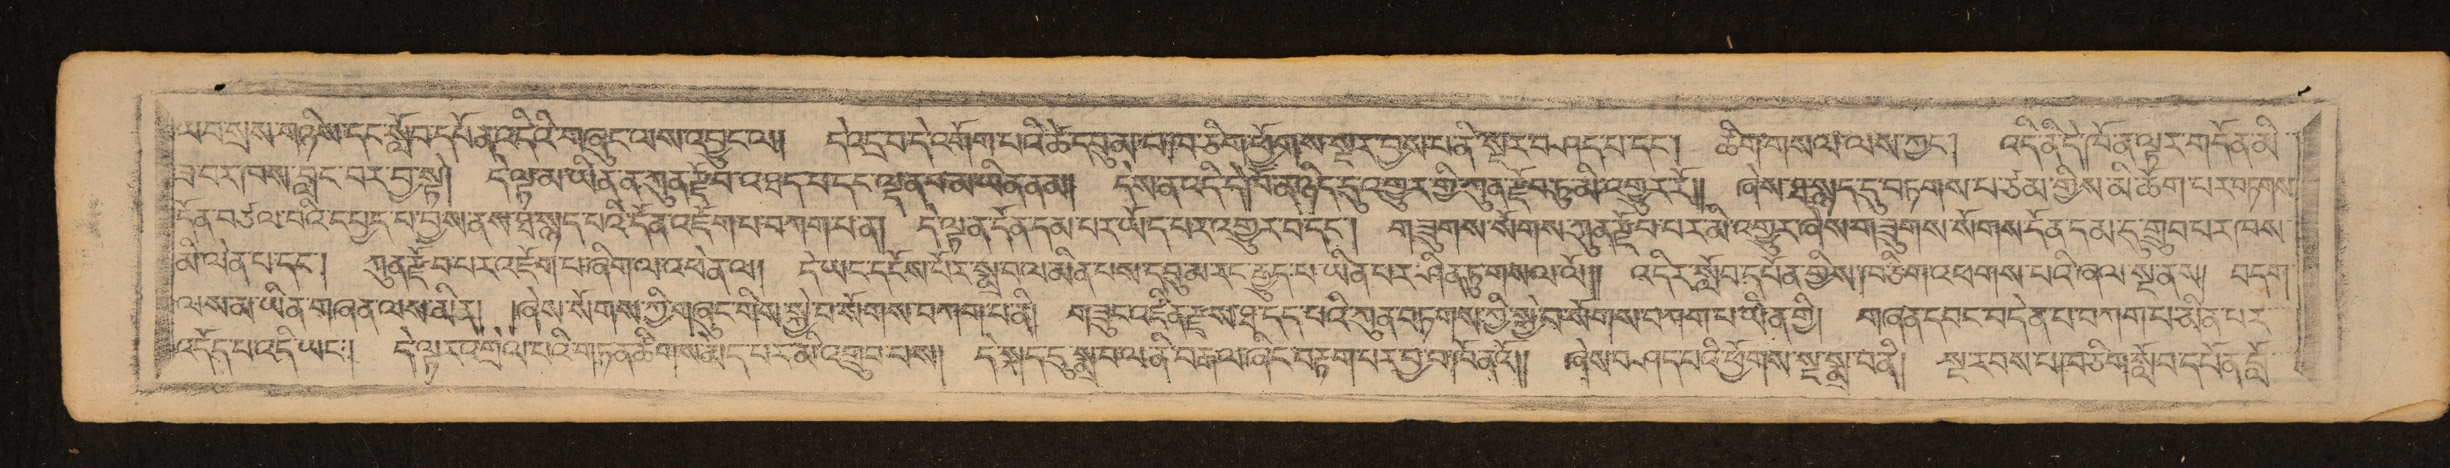ཡབ་སྲས་གཉིས་དང་སློབ་དཔོན་འདིའི་གཞུང་ལས་འབྱུང་ལ། དེ་འདྲ་བ་དེ་འགོག་པའི་ཚེ་དབུ་མ་པ་ཁ་ཅིག་ཕྱོགས་སྔར་བྱས་པ་ནི་སྔར་བཤད་པ་དང་། ཚིག་གསལ་ལས་ཀྱང་། འདི་ནི་དེ་ཁོ་ན་ལྟར་གདོན་མི་
ཟ་བར་ཁས་བླང་བར་བྱ་སྟེ། དེ་ལྟ་མ་ཡིན་ན་ཀུན་རྫོབ་འཐད་པ་དང་ལྡན་པ་མ་ཡིན་ནམ། དེས་ན་འདི་དེ་ཁོ་ན་ཉིད་དུ་འགྱུར་གྱི་ཀུན་རྫོབ་ཏུ་མི་འགྱུར་རོ།། ཞེས་ཐ་སྙད་དུ་བཏགས་པ་ཙམ་གྱིས་མི་ཆོག་པར་བཏགས་
དོན་བཙལ་བའི་དཔྱད་པ་བྱས་ནས་ཐ་སྙད་པའི་དོན་འཇོག་པ་བཀག་པ་ན། དེ་ལྟ་ན་དོན་དམ་པར་ཡོད་པར་འགྱུར་བ་དང་། གཟུགས་སོགས་ཀུན་རྫོབ་པར་མི་འགྱུར་ཞེས་གཟུགས་སོགས་དོན་དམ་དུ་གྲུབ་པར་ཁས་
མི་ལེན་པ་དང་། ཀུན་རྫོབ་པར་འཇོག་པ་ཞིག་ལ་འཕེན་ལ། དེ་ཡང་དངོས་པོར་སྨྲ་བ་ལ་མིན་པས་དབུ་མ་རང་རྒྱུད་པ་ཡིན་པར་ཤིན་ཏུ་གསལ་ལོ།། འདིར་སློབ་དཔོན་གྱིས་ཁ་ཅིག་འཕགས་པའི་ཞལ་སྔ་ནས། བདག་
ལས་མ་ཡིན་གཞན་ལས་མིན། །ཞེས་སོགས་ཀྱི་གཞུང་གིས་སྐྱེ་བ་སོགས་བཀག་པ་ནི། གཟུང་འཛིན་རྫས་ཐ་དད་པའི་ཀུན་བརྟགས་ཀྱི་སྐྱེ་བ་སོགས་བཀག་པ་ཡིན་གྱི། གཞན་དབང་བདེན་པ་བཀག་པ་མིན་པར་
འདོད་པ་འདི་ཡང་། དེ་ལྟར་འགྲེལ་པའི་གཏན་ཚིགས་མེད་པར་མི་འགྲུབ་པས། དེ་སྐད་དུ་སྨྲ་བ་ལ་ནི་བརྒལ་ཞིང་བརྟག་པར་བྱ་བ་ཁོ་ནའོ།། ཞེས་བཤད་པའི་ཕྱོགས་སྔ་སྨྲ་བ་ནི། སྔ་རབས་པ་ཁ་ཅིག་སློབ་དཔོན་བློ་